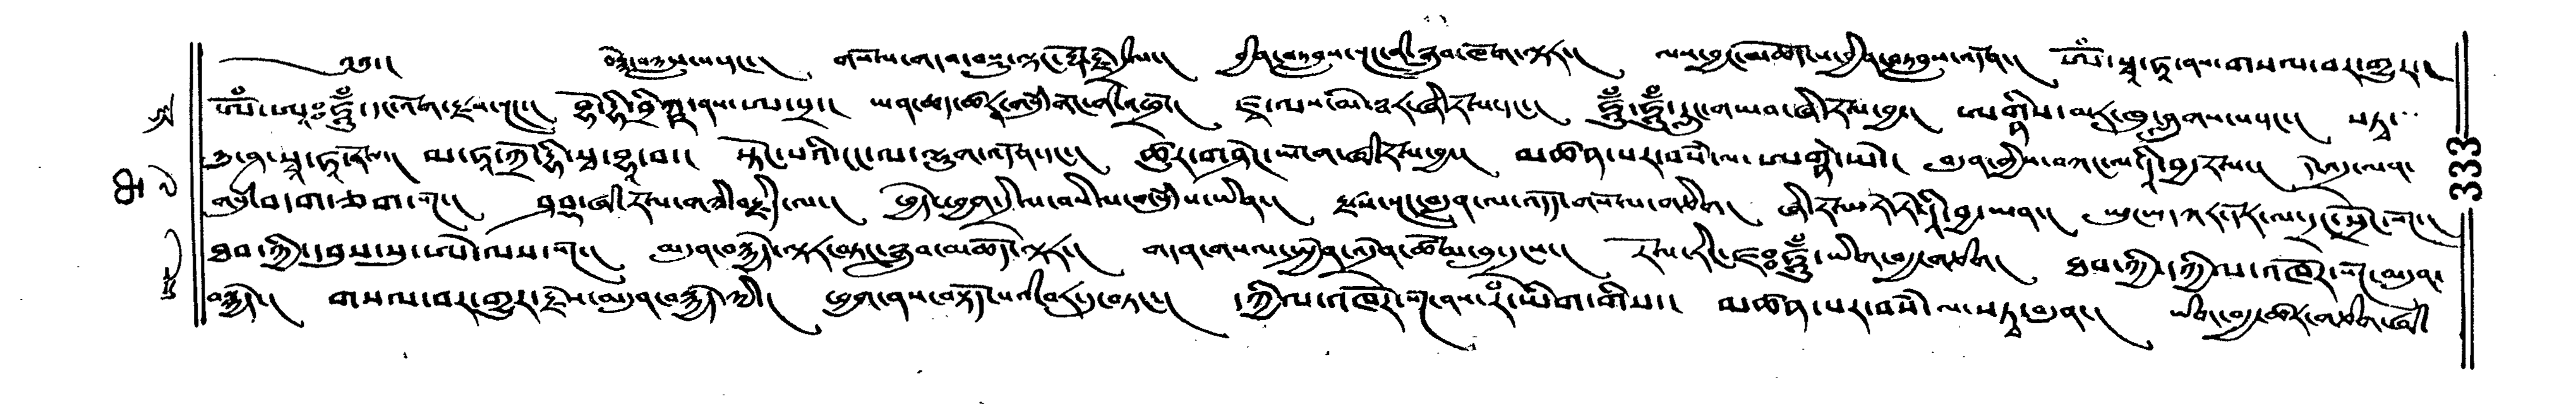བསྙེན་བཟླས་པ་དང་། །གསོལ་གདབ་བསྡུ་ལྡང་རྡོ་རྗེ་དྲིལ། །བྱིན་བརླབས་སྔགས་ནི་སྒྲུབ་ཁོག་ལྟར། །ལས་བྱང་མཆོད་པ་བྱིན་བརླབས་འདོན། །ཨོཾ་སྭ་ཧཱ༴ ནས་གསལ་བར་གྱུར། །
ཨོཾ་ཨཱཿཧཱུྃ་དང་འོག་རྫས་སྔགས། །བྷོ་དྷི་བྲིཀྵ༴ ནས་ཨ་པྲ། །ཡན་ཆད་ཚར་གསུམ་གོང་གི་འཕྲོ། །ཛྭ་ལས་མེ་སྦར་ཞི་རོལ་དང་།ཧཱུྃ་ཧཱུྃ༴ རླུང་གཡབ་ཞི་རོལ་བྱ། །ཨགྣིས་མར་ཁུ་བླུགས་པ་དང་། །སཏྭ༴ 
ཀུ་ཤ་སྭཱ་ཧཱ་རོལ། །མ་ཧཱ་ཀྲོ་དྷི་སྭ་བྷཱ་བ། །སྟོང་པའི་ངང་ལས་ལྷུག་འདོན་དང་། །ཚུར་གཤེགས༴ ཡོ་ག་ཞི་རོལ་བྱ། །མཚན་པར་བསམ༴ ལ་ཨགྣེ་ཡེ། །བདུན་གྱིས་བཀང་ལ་དཱི་བྱ་རོལ། །དེ་འདྲ་ལན་
གསུམ་བདག་ཅག༴ སོགས། །ཤབྡ༴ ཞི་རོལ་གཟི་བརྗིད་ལ། །ཕྱེད་ཕྱག་དྲིལ་བསིལ་གསུམ་པ་ཡིན། །རྫས་སྔགས་བདུན་ལ་འདོད་གསོལ་གཅིག །ཞི་རོལ་རེ་རེ་དཱི་བྱ༴ ཡན། །ཡུངས་དཀར་འཐོར་ལ་དྲང་སྲོང༴ སོགས། །
ཐབ་ཀྱིས་དབུས་སུ་ཨེ་ལས༴ སོགས། །མདུན་བསྐྱེད་ལྟར་བཏང་སྒྲུབ་མཆོད་ལྟར། །གདན་གསལ་སྤྱན་འདྲེན་ཚོམ་བུ་དྲངས། །རོལ་རིང་ཛཿཧཱུྃ༴ ཡིག་བརྒྱ་གཅིག །ཐབ་ཀྱི་དཀྱིལ་འཁོར༴ སོགས་མདུན་
བསྐྱེད། །གསལ་བར་གྱུར༴ རྗེས་མདུན་བསྐྱེད་ཀྱི། །ཕྱག་ནས་བསྟོད་པའི་བར་དུ་བཏང་། དཀྱིལ་འཁོར༴ སོགས་ནས་རྃ་ཡིག་གིས། །མཚན་པར་བསམ༴ ལ་སཏྭ༴ བདུན། །ཡིག་བརྒྱ་ཚར་གཅིག་ཞི་